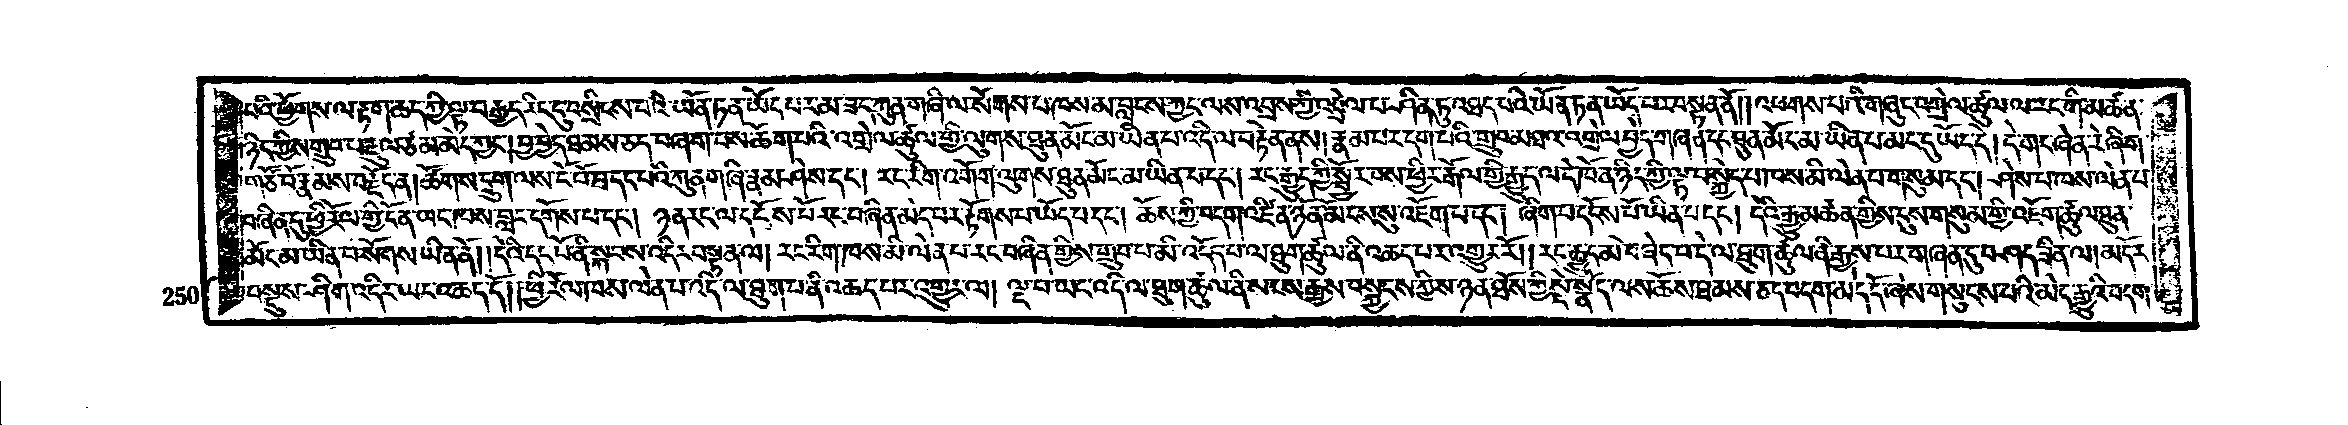པའི་ཕྱོགས་ལ་རྟག་ཆད་ཀྱི་ལྟ་བ་རྒྱང་རིང་དུ་བསྲིངས་པའི་ཡོན་ཏན་ཡོད་པར་མ་ཟད་ཀུན་གཞི་ལ་སོགས་པ་ཁས་མ་བླངས་ཀྱང་ལས་འབྲས་ཀྱི་འབྲེལ་པ་ཤིན་ཏུ་འཐད་པའི་ཡོན་ཏན་ཡོད་པར་བསྟན་ནོ། །འཕགས་པའི་གཞུང་འགྲེལ་ཚུལ་ལ་རང་གི་མཚན་
ཉིད་ཀྱིས་གྲུབ་པ་རྡུལ་ཙམ་མེད་ཀྱང་། བྱ་བྱེད་ཐམས་ཅད་བཞག་པས་ཆོག་པའི་འགྲེལ་ཚུལ་གྱི་ལུགས་ཐུན་མོང་མ་ཡིན་པ་འདི་ལ་བརྟེན་ནས། རྣམ་པར་དག་པའི་གྲུབ་མཐའ་འགྲེལ་བྱེད་གཞན་དང་ཐུན་མོང་མ་ཡིན་པ་མང་དུ་ཡོད་དེ། དེ་གང་ཞེ་ན་རེ་ཞིག་
གཙོ་བོ་རྣམས་བརྗོད་ན། ཚོགས་དྲུག་ལས་ངོ་བོ་ཐ་དད་པའི་ཀུན་གཞི་རྣམ་ཤེས་དང་། རང་རིག་འགོག་ལུགས་ཐུན་མོང་མ་ཡིན་པ་དང་། རང་རྒྱུད་ཀྱི་སྦྱོར་བས་ཕྱིར་རྒོལ་གྱི་རྒྱུད་ལ་དེ་ཁོ་ན་ཉིད་ཀྱི་ལྟ་བ་སྐྱེད་པ་ཁས་མི་ལེན་པ་གསུམ་དང་། ཤེས་པ་ཁས་ལེན་པ་
བཞིན་དུ་ཕྱི་རོལ་གྱི་དོན་ཡང་ཁས་བླང་དགོས་པ་དང་། ཉན་རང་ལ་དངོས་པོ་རང་བཞིན་མེད་པར་རྟོགས་པ་ཡོད་པ་དང་། ཆོས་ཀྱི་བདག་འཛིན་ཉོན་མོངས་སུ་འཇོག་པ་དང་། ཞིག་པ་དངོས་པོ་ཡིན་པ་དང་། དེའི་རྒྱུ་མཚན་གྱིས་དུས་གསུམ་གྱི་འཇོག་ཚུལ་ཐུན་
མོང་མ་ཡིན་པ་སོགས་ཡིན་ནོ། །དེའི་དང་པོ་ནི་སྐབས་འདིར་བསྟན་ལ། རང་རིག་ཁས་མི་ལེན་པ་རང་བཞིན་གྱིས་གྲུབ་པ་མི་འདོད་པ་ལ་ཐུག་ཚུལ་ནི་འཆད་པར་འགྱུར་རོ། །རང་རྒྱུད་མི་བཞེད་པ་དེ་ལ་ཐུག་ཚུལ་ནི་རྒྱས་པར་གཞན་དུ་བཤད་ཟིན་ལ། མདོར་
བསྡུས་ཤིག་འདིར་ཡང་འཆད་དོ། །ཕྱི་རོལ་ཁས་ལེན་པ་འདི་ལ་ཐུག་པ་ནི་འཆད་པར་འགྱུར་ལ། ལྔ་པ་ཡང་འདི་ལ་ཐུག་ཚུལ་ནི་སངས་རྒྱས་བསྐྱངས་ཀྱིས་ཉན་ཐོས་ཀྱི་སྡེ་སྣོད་ལས་ཆོས་ཐམས་ཅད་བདག་མེད་དོ་ཞེས་གསུངས་པའི་མེད་རྒྱུའི་བདག་